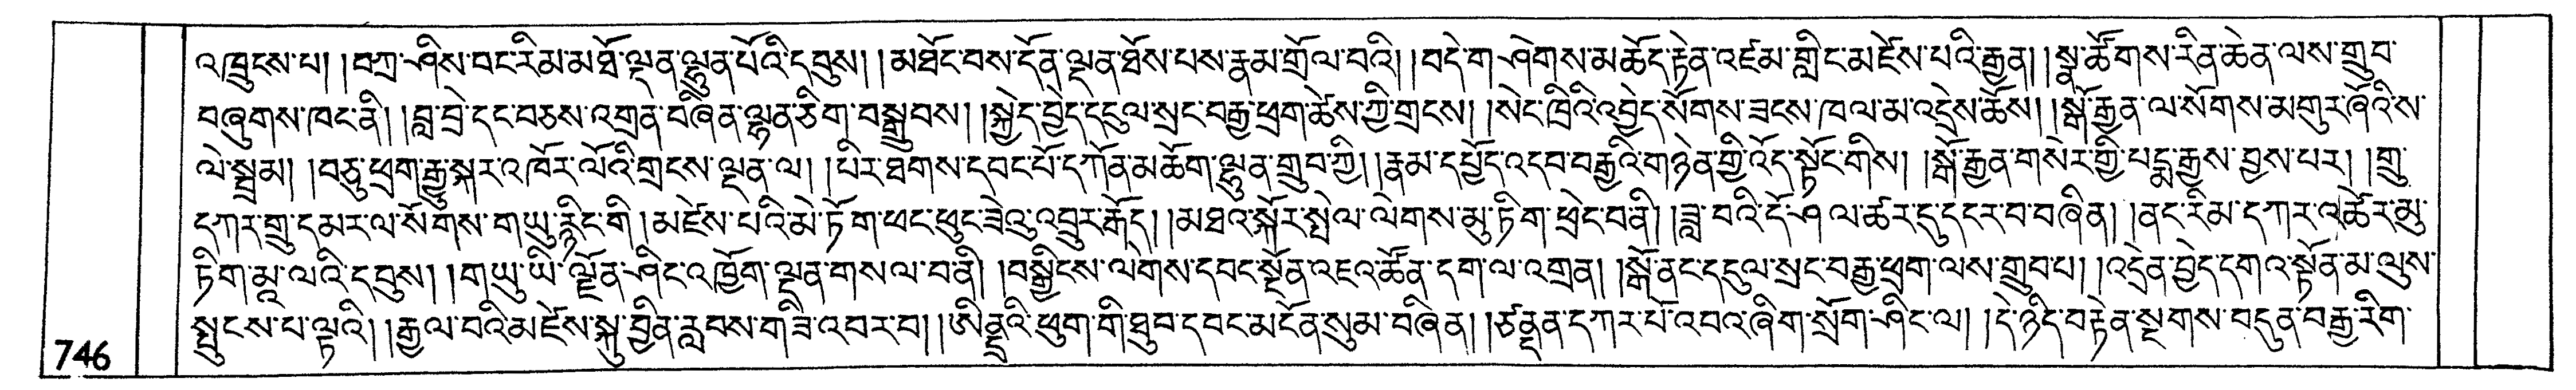འཁྲུངས་པ། །བཀྲ་ཤིས་བང་རིམ་མཐོ་ལྡན་ལྷུན་པོའི་དབུས། །མཐོང་བས་དོན་ལྡན་ཐོས་པས་རྣམ་གྲོལ་བའི། །བདེ་གཤེགས་མཆོད་རྟེན་འཛམ་གླིང་མཛེས་པའི་རྒྱན། །སྣ་ཚོགས་རིན་ཆེན་ལས་གྲུབ་
བཞུགས་ཁང་ནི། །བླ་བྲེ་དང་བཅས་འགྲན་བཞིན་ལྷན་ཅིག་བསྒྲུབས། །སྐྱེད་བྱེད་དངུལ་སྲང་བརྒྱ་ཕྲག་ཚེས་ཀྱི་གྲངས། །སེང་ཁྲིའི་འབྱེད་སོགས་ཟངས་ཁལ་མ་འདྲེས་ཆོས། །སྒོ་རྒྱན་ལ་སོགས་མགུར་ཞོའི་ས་
ལེ་སྦྲམ། །བཅུ་ཕྲག་རྒྱུ་སྐར་འཁོར་ལོའི་གྲངས་ལྡན་ལ། །པིར་ཐགས་དབང་པོ་དཀོན་མཆོག་ལྷུན་གྲུབ་ཀྱི། །རྣམ་དཔྱོད་འདབ་བརྒྱའི་གཉེན་གྱི་འོད་སྟོང་གིས། །སྒོ་རྒྱན་གསེར་གྱི་པདམ་རྒྱས་བྱས་པར། །གྲུ་
དཀར་གྲུ་དམར་ལ་སོགས་གཡུ་རྙིང་གི །མཛེས་པའི་མེ་ཏོག་ཕང་ཕུང་ཟེའུ་འབྲུར་རྒོད། །མཐའ་སྐོར་སྤེལ་ལེགས་མུ་ཏིག་ཕྲེང་བ་ནི། །ཟླ་བའི་དོ་ཤལ་ཚར་དུ་དག་ར་བ་བཞིན། །ནང་རིམ་དཀར་འཚེར་མུ་
ཏིག་མཱ་ལའི་དབུས། །གཡུ་ཡི་ལྗོན་ཤིང་འཁྱོག་ལྡན་གསལ་བ་ནི། །བསྒྱིངས་ལེགས་དབང་སྔོན་འཇའ་ཚོན་དག་ལ་འགྲན། །སྒོ་ནང་དངུལ་སྲང་བརྒྱ་ཕྲག་ལས་གྲུབ་པ། །འདྲེན་བྱེད་དགའ་སྟོན་མ་ལུས་
སྤུངས་པ་ལྟའི། །རྒྱལ་བའི་མཛེས་སྐུ་བྱིན་རླབས་གཟི་འབར་བ། །ཨིནྡྲའི་ཕུག་གི་ཐུབ་དབང་མངོན་སུམ་བཞིན། །ཙནྡན་དཀར་པོ་འབའ་ཞིག་སྲོག་ཤིང་ལ། །དེ་ཉིད་བརྟེན་སྔགས་བདུན་བརྒྱ་རིག་